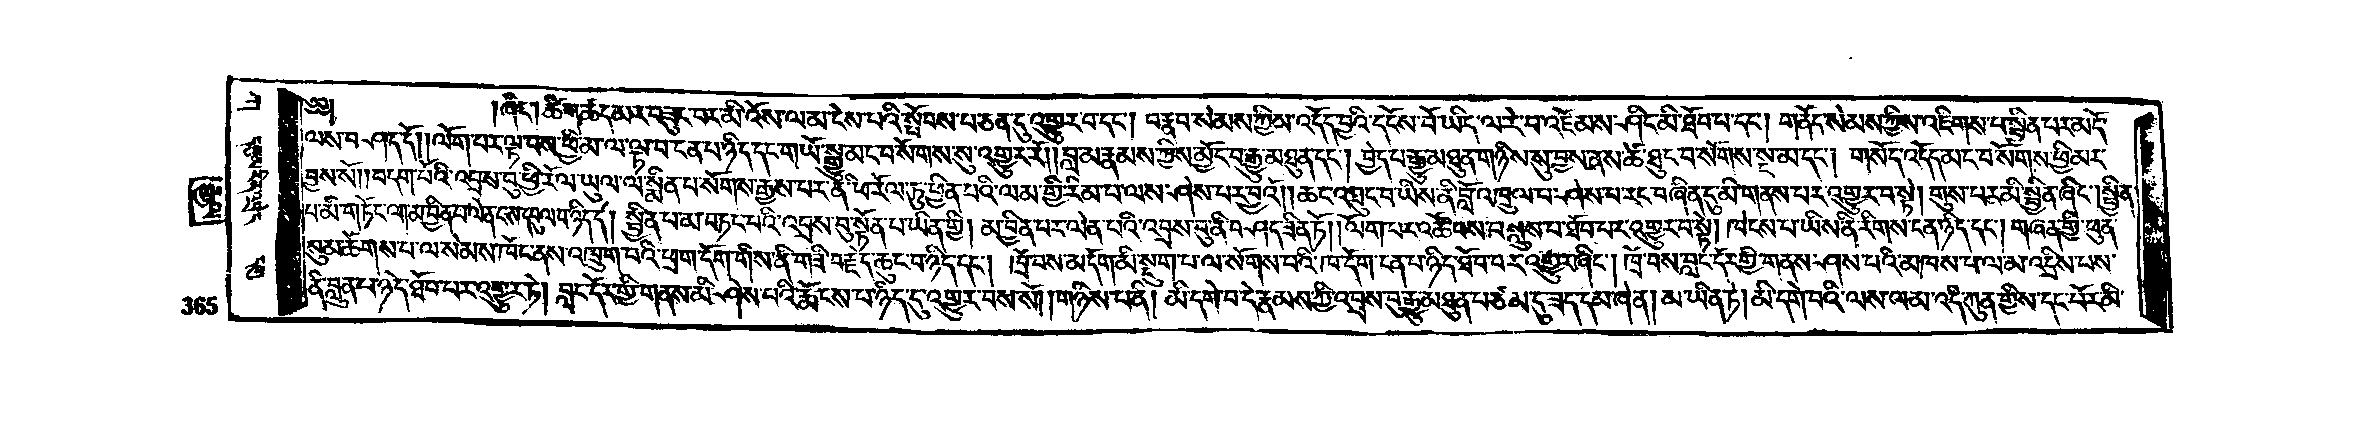༄༅། །ཞིང་། ཚིག་ཚད་མར་བཟུང་བར་མི་འོས་ལ་མ་ངེས་པའི་སྤོབས་པ་ཅན་དུ་འགྱུར་བ་དང་། བརྣབ་སེམས་ཀྱིམ་འདོད་བྱའི་དངོས་པོ་ཡིད་ལ་རེ་བ་འཇོམས་ཤིང་མི་ཐོབ་པ་དང་། གནོད་སེམས་ཀྱིས་འཇིགས་པ་སྦྱིན་པར་མདོ་
ལས་བཤད་དོ། །ལོག་པར་ལྟ་བས་ཕྱི་མ་ལ་ལྟ་བ་ངན་པ་ཉིད་དང་གཡོ་སྒྱུ་མང་བ་སོགས་སུ་འགྱུར་རོ། །བླ་མ་རྣམས་ཀྱིས་མྱོང་བ་རྒྱུ་མཐུན་དང་། བྱེད་པ་རྒྱུ་མཐུན་གཉིས་སུ་བྱས་ནས་ཚེ་ཐུང་བ་སོགས་སྔ་མ་དང་། གསོད་འདོད་མང་བ་སོགས་ཕྱི་མར་
བྱས་སོ། །བདག་པོའི་འབྲས་བུ་ཕྱི་རོལ་ཡུལ་ལ་སྨིན་པ་སོགས་རྒྱས་པར་ནི་ཕ་རོལ་ཏུ་ཕྱིན་པའི་ལམ་གྱི་རིམ་པ་ལས་ཤེས་པར་བྱའོ། །ཆང་འཐུང་བ་ཡིས་ནི་བློ་འཁྲུལ་པ་ཤེས་པ་རང་བཞིན་དུ་མི་གནས་པར་འགྱུར་བ་སྟེ། གུས་པར་མི་སྦྱིན་ཞིང་། སྦྱིན་
པ་མི་གཏོང་ལ། མ་བྱིན་པ་ལེན་པས?་དབུལ་བ་ཉིད་དོ། །སྦྱིན་པ་མ་བཏང་པའི་འབྲས་བུ་སྟོན་པ་ཡིན་གྱི། མ་བྱིན་པར་ལེན་པའི་འབྲས་བུ་ནི་བཤད་ཟིན་ནོ། །ལོག་པར་འཚོ་བས་བསླུས་པ་ཐོབ་པར་འགྱུར་བ་སྟེ། ཁེངས་པ་ཡིས་ནི་རིགས་ངན་ཉིད་དང་། གཞན་གྱི་ཕུན་
སུམ་ཚོགས་པ་ལ་སེམས་ཁོང་ནས་འཁྲུག་པའི་ཕྲག་དོག་གིས་ནི་གཟི་བརྗེད་ཆུང་བ་ཉིད་དང་། ཁྲོ་བས་མདོག་མི་སྡུག་པ་ལ་སོགས་པའི་ཁ་དོག་ངན་པ་ཉིད་ཐོབ་པར་འགྱུར་ཞིང་། ཁྲོ་བས་བླང་དོར་གྱི་གནས་ཤེས་པའི་མཁས་པ་ལ་མ་འདྲིས་པས་
ནི་བླུན་པ་ཉིད་ཐོབ་པར་འགྱུར་ཏེ། བླང་དོར་གྱི་གནས་མི་ཤེས་པའི་རྨོངས་པ་ཉིད་དུ་འགྱུར་བས་སོ། །གཉིས་པ་ནི། མི་དགེ་བ་དེ་རྣམས་ཀྱི་འབྲས་བུ་རྒྱུ་མཐུན་པ་ཙམ་དུ་ཟད་དམ་ཞེ་ན། མ་ཡིན་ཏེ། མི་དགེ་བའི་ལས་ལམ་འདི་ཀུན་གྱིས་དང་པོར་མི་